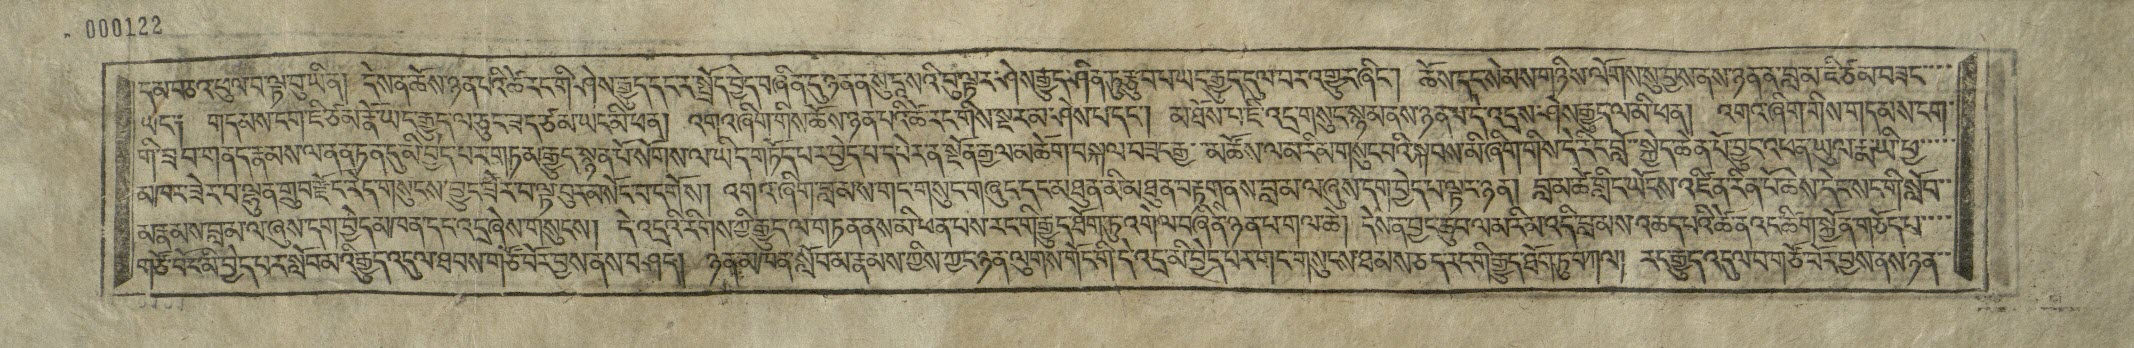དམ་བཅའ་ཕུལ་བ་ལྟ་བུ་ཡིན། དེས་ན་ཆོས་ཉན་པའི་ཚེ་རང་གི་ཤེས་རྒྱུད་དང་ར་སྤྲོད་བྱེད་བཞིན་དུ་ཉན་ནས་སུ་དཱ་སའི་བུ་ལྟར་ཤེས་རྒྱུད་ཤིན་ཏུ་རྩུབ་པ་ཡང་རྒྱུད་དུལ་བར་འགྱུར་ཞིང་། ཆོས་དང་སེམས་གཉིས་ལོགས་སུ་བྱས་ནས་ཉན་ན་བླ་མ་ཇི་ཙམ་བཟང་
ཡང༑ གདམས་ངག་ཇི་ཙམ་རྣོ་ཡང་རྒྱུད་ལ་ཅུང་ཟད་ཙམ་ཡང་མི་ཕན། འགའ་ཞིག་གིས་ཆོས་ཉན་པའི་ཚེ་རང་གིས་སྔར་མ་ཤེས་པ་དང་། མ་ཐོས་པ་ཇི་འདྲ་གསུང་སྙམ་ནས་ཉན་པ་དེ་འདྲས་ཤེས་རྒྱུད་ལ་མི་ཕན། འགའ་ཞིག་གིས་གདམས་ངག་
གི་ཟབ་གནད་རྣམས་ལ་ནན་ཏན་དུ་མི་བྱེད་པར་གཏམ་རྒྱུད་སྙན་པོ་སོགས་ལ་ཡིད་གཏོད་པར་བྱེད་པ་དཔེར་ན་སྔོན་རྒྱལ་མཆོག་བསྐལ་བཟང་རྒྱ་མཚོས་ལམ་རིམ་གསུང་བའི་སྐབས་མི་ཞིག་གིས་དེ་རིང་བློ་སྐྱེད་ཆེན་པོ་བྱུང་འཕན་ཡུལ་རྨ་ཡི་ཕྱ་
མཁར་ཟེར་བ་ལྷུན་གྲུབ་རྫོང་རེད་གསུངས་བྱུང་ཟེར་བ་ལྟ་བུར་མ་སོང་བ་དགོས། འགའ་ཞིག་བླ་མས་གང་གསུང་གཞུང་དང་མཐུན་མི་མཐུན་བརྟགས་ནས་བླ་མ་ལ་ཞུས་དག་བྱེད་པ་ལྟར་ཉན། བླ་མ་ཚེ་གླིང་ཡོངས་འཛིན་རིན་པོ་ཆེས་དེང་སང་གི་སློབ་
མ་རྣམས་བླ་མ་ལ་ཞུས་དག་བྱེད་མཁན་དང་འདྲ་ཞེས་གསུངས། དེ་འདྲའི་རིགས་ཀྱི་རྒྱུད་ལ་གཏན་ནས་མི་ཕན་པས་རང་གི་རྒྱུད་ཐོག་ཏུ་འགེལ་བཞིན་ཉན་པ་གལ་ཆེ། དེས་ན་བྱང་ཆུབ་ལམ་རིམ་འདི་བླ་མས་འཆད་པའི་ཚེ་ནའང་ཚིག་སྐྱོན་གཅོད་པ་
གཙོ་བོར་མི་བྱེད་པར་སློབ་མའི་རྒྱུད་འདུལ་ཐབས་གཙོ་བོར་བྱས་ནས་བཤད། ཉན་མཁན་སློབ་མ་རྣམས་ཀྱིས་ཀྱང་ཉན་ལུགས་གོང་གི་དེ་འདྲ་མི་བྱེད་པར་གང་གསུངས་ཐམས་ཅད་རང་གི་རྒྱུད་ཐོག་ཏུ་བཀལ། རང་རྒྱུད་འདུལ་བ་གཙོ་བོར་བྱས་ནས་ཉན་